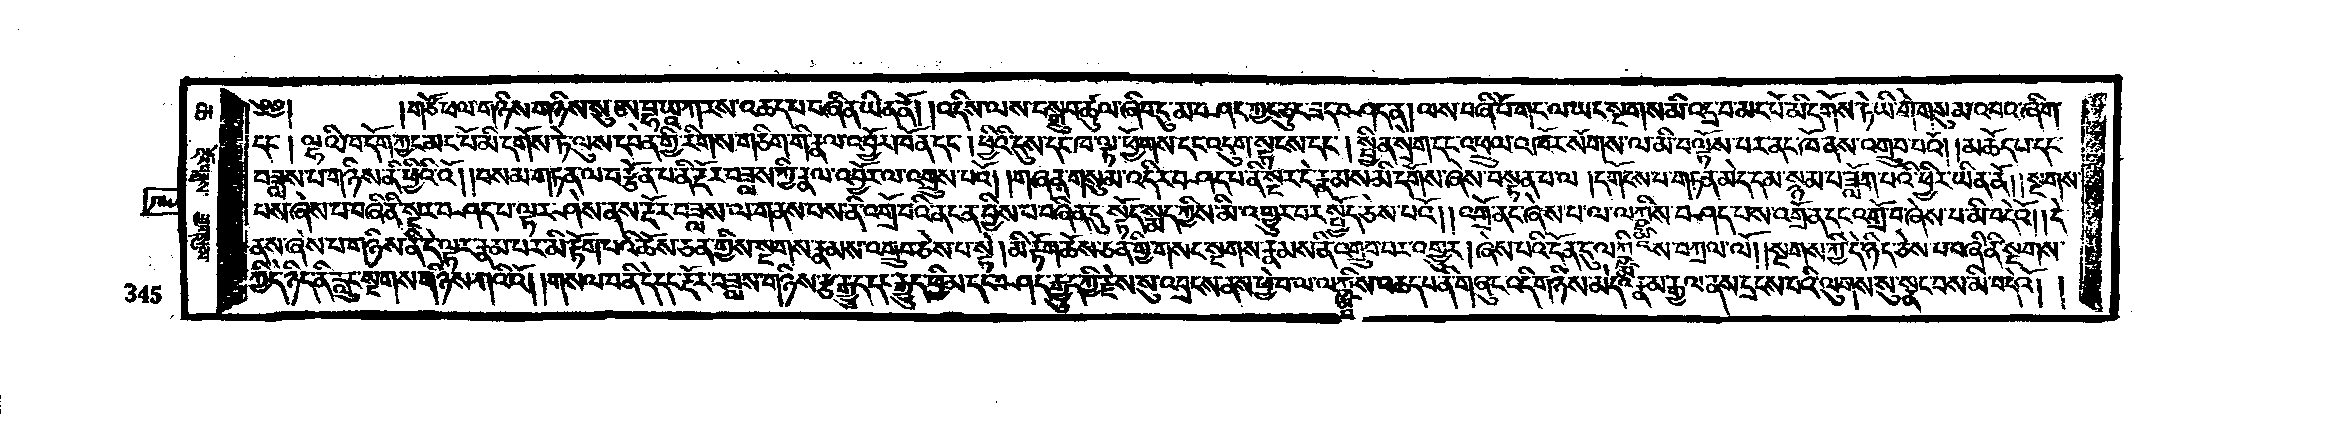༄༅། །གཙོ་ཕལ་གཉིས་གཉིས་སུ་ཨ་བྷ་ཡཱ་ཀ་རས་འཆད་པ་བཞིན་ཡིན་ནོ། །འདིས་ལས་བསྒྲུབ་ཚུལ་ཞིབ་དུ་མ་བཤད་ཀྱང་ཅུང་ཟད་བཤད་ན། ལས་བཞི་པོ་གང་ལ་ཡང་སྔགས་མི་འདྲ་བ་མང་པོ་མི་དགོས་ཏེ་ཡི་གེ་གསུམ་འབའ་ཞིག་
དང་། ལྷའི་ཁ་དོག་ཀྱང་མང་པོ་མི་དགོས་ཏེ་ལུས་དབེན་གྱི་རིགས་གཅིག་གི་རྣལ་འབྱོར་ཁོ་ན་དང་། ཕྱིའི་དུས་དང་ཁ་ལྟ་ཕྱོགས་དང་འདུག་སྟངས་དང་། སྦྱིན་སྲེག་དང་འཕྲུལ་འཁོར་སོགས་ལ་མི་བལྟོས་པར་ནང་ཁོ་ནས་འགྲུབ་པའོ། །མཆོད་པ་དང་
བཟླས་པ་གཉིས་ནི་ཕྱིའི་འོ། །བསམ་གཏན་ལ་བརྩོན་པ་ནི་རྡོར་བཟླས་ཀྱི་རྣལ་འབྱོར་ལ་འགྲུས་པའོ། །གཞན་གསུམ་འདིར་བཤད་པ་ནི་སྔར་དེ་རྣམས་མི་དགོས་ཞེས་བསྟན་པ་ལ། དགོངས་པ་གཏན་མེད་དམ་སྙམ་པ་ཟློག་པའི་ཕྱིར་ཡིན་ནོ། །སྔགས་
པས་ཞེས་པ་བཞི་ནི་སྔར་བཤད་པ་ལྟར་ཤེས་ནས་རྡོར་བཟླས་ལ་གནས་པས་ནི་འགྲོ་བའི་ནང་ན་བྱིས་པ་བཞིན་དུ་སྟོད་སྨད་ཀྱིས་མི་འགྱུར་བར་སྤྱོད་ཅེས་པའོ། །འགྲོ་ནང་ཞེས་པ་ལ་ལཀྵྨཱིས་བཤད་པས་འགྲོ་ན་དང་འགྲོ་བ་ཞེས་པ་མི་བདེའོ། །དེ་
ནས་ཞེས་པ་གཉིས་ནི་དེ་ལྟར་རྣམ་པར་མི་རྟོག་པའི་ཆོས་ཅན་གྱིས་སྔགས་རྣམས་འགྲུབ་ཅེས་པ་སྟེ། མི་རྟོག་ཆོས་ཅན་གྱི་གསང་སྔགས་རྣམས་ནི་འགྲུབ་པར་འགྱུར། ཞེས་པའི་དོན་དུ་ལཀྵྨཱིས་བཀྲལ་ལོ། །སྔགས་ཀྱི་དེ་ཉིད་ཅེས་པ་བཞི་ནི་སྔགས་
ཀྱི་དེ་ཉིད་ནི་རླུང་སྔགས་གཉིས་ཀའི་འོ། །གསལ་བ་ནི་དེ་དང་རྡོར་བཟླས་གཉིས་རྩ་རྒྱུད་དང་རྒྱུད་ཕྱི་མ་དང་བཤད་རྒྱུད་ཀྱི་རྗེས་སུ་འབྲངས་ནས་ཕྱེ་བ་ལ་ལཀྵྨཱིས་འཆད་པ་ནི་གཞུང་འདི་གཉིས་མེད་རྣམ་རྒྱལ་ནས་དྲངས་པའི་ལུགས་སུ་སྣང་བས་མི་བདེའོ། །